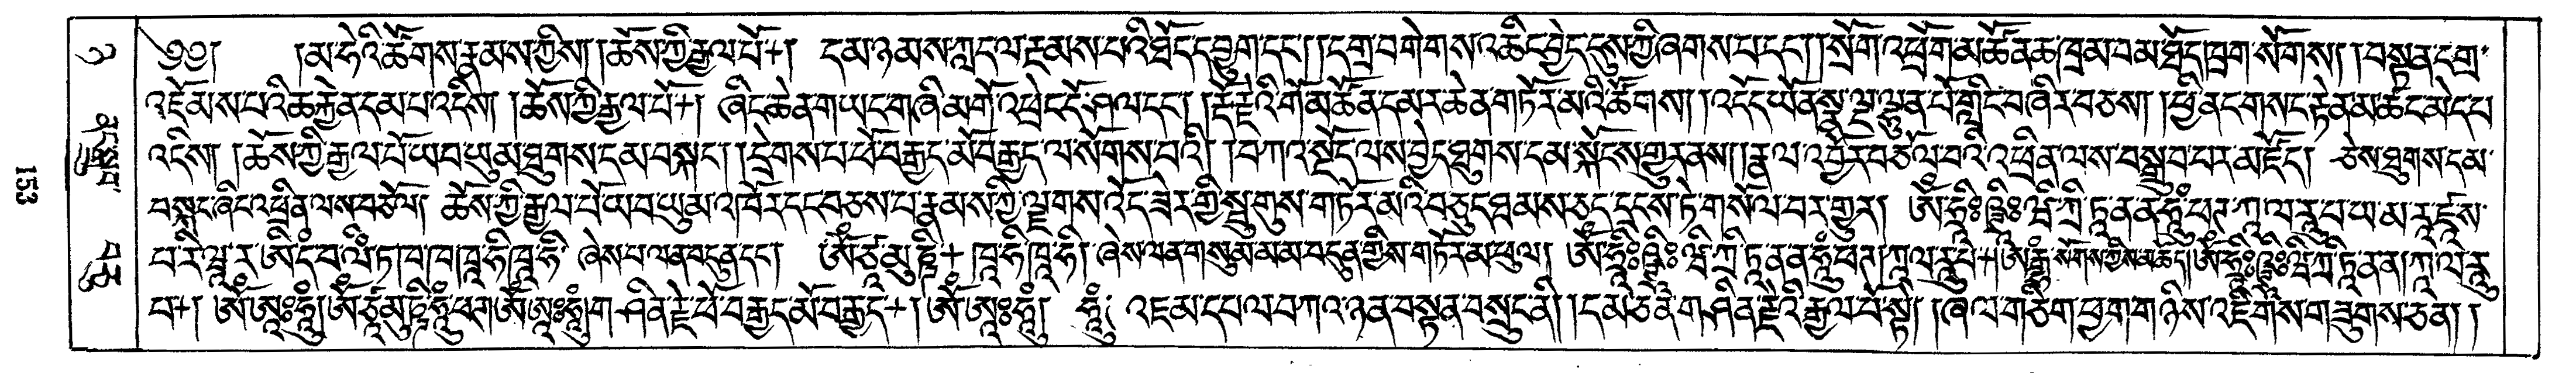༄༅། །མ་ཧེའི་ཚོགས་རྣམས་ཀྱིས། །ཆོས་ཀྱི་རྒྱལ་པོ། །དམ་ཉམས་ཀླད་ལ་རྔམས་པའི་ཐོད་དབྱུག་དང་། །དགྲ་བགེགས་འ་ཆིང་བྱེད་དུས་ཀྱི་ཞགས་པ་དང་། །སྲོག་འཕྲོག་མཚོན་ཆ་ཁྲམ་བམ་ཐོད་ཁྲག་སོགས། །བསྟན་དགྲ་
འཇོམས་པའི་ཆ་རྐྱེན་དམ་པ་འདིས། །ཆོས་ཀྱི་རྒྱལ་པོ། ཞིང་ཆེན་གཡང་གཞི་མགོ་འཕྲེང་དོ་ཤལ་དང་། །རྡོ་རྗེའི་གོ་མཚོན་དམར་ཆེན་གཏོར་མའི་ཚོགས། །འདོད་ཡོན་སྣ་ལྔ་ལྷུན་བོ་གླིང་བཞིར་བཅས། །ཕྱི་ནང་གསང་རྟེན་མ་ཚང་མེད་པ་
འདིས། །ཆོས་ཀྱི་རྒྱལ་པོ་ཡབ་ཡུམ་ཐུགས་དམ་བསྐང་། །དྲེགས་པ་ཕོ་བརྒྱད་མོ་བརྒྱད་ལ་སོགས་པའི། །བཀའ་སྡོད་ལས་བྱེད་ཐུགས་དམ་སྐོངས་གྱུར་ནས། །རྣལ་འབྱོར་བཅོལ་བའི་འཕྲིན་ལས་བསྒྲུབ་པར་མཛོད། ཅེས་ཐུགས་དམ་
བསྐང་ཞིང་འཕྲིན་ལས་བཅོལ། ཆོས་ཀྱི་རྒྱལ་པོ་ཡབ་ཡུམ་འཁོར་དང་བཅས་པ་རྣམས་ཀྱི་ལྗགས་འོད་ཟེར་གྱི་སྤུ་གུས་གཏོར་མའི་བཅུད་ཐམས་ཅད་དྲངས་ཏེ་གསོལ་བར་གྱུར། ཨོཾ་ཧྲིཿཥྚཱིཿཝི་ཀྲི་ཏཱ་ན་ན་ཧཱུཾ་ཕཊ་ཀཱ་ལ་རཱུ་པ་ཡ་མ་རཱ་ཛའ་ས་
པ་རི་ཝཱ་ར་ཨི་དཾ་བ་ལིཾ་ཏ་ཁ་ཁ་ཁཱ་ཧི་ཁཱ་ཧི་ཞེས་པ་ལན་བདུན་དང་། ཨོཾ་ཙཱ་མུཎྜིཨཾ་ཁཱ་ཧི་ཁཱ་ཧི། ཞེས་ལན་གསུམ་མམ་བདུན་གྱིས་གཏོར་མ་ཕུལ། ཨོཾ་ཧྲཱིཿ ཥྚཱིཿ ཝི་ཀྲི་ཏཱ་ན་ན་ཧཱུཾ་ཕཊ། ཀཱ་ལ་རཱུ་པ་ཤ་ཨརྒྷཾ་སོགས་ཀྱིས་མཆོད། ཨོཾ་ཧྲཱིཿཥྚིཿཝི་ཀྲི་ཏཱ་ན་ན། ཀཱ་ལ་རཱུ་
པ། ཨོཾ་ཨཱཿཧཱུཾ། ཨོཾ་ཙཱ་མུཎྜི་ཧཱུཾ་ཕཊ། ཨོཾ་ཨཱཿཧཱུཾ། གཤིན་རྗེ་ཕོ་བརྒྱད་མོ་བརྒྱད། ཨོཾ་ཨཱཿཧཱུཾ། ཧཱུཾ༑ འཇམ་དཔལ་བཀའ་ཉན་བསྟན་བསྲུང་ནི། །དམ་ཅན་གཤིན་རྗེའི་རྒྱལ་པོ་སྟེ། །ཞལ་གཅིག་ཕྱག་གཉིས་འཇིགས་གཟུགས་ཅན། །